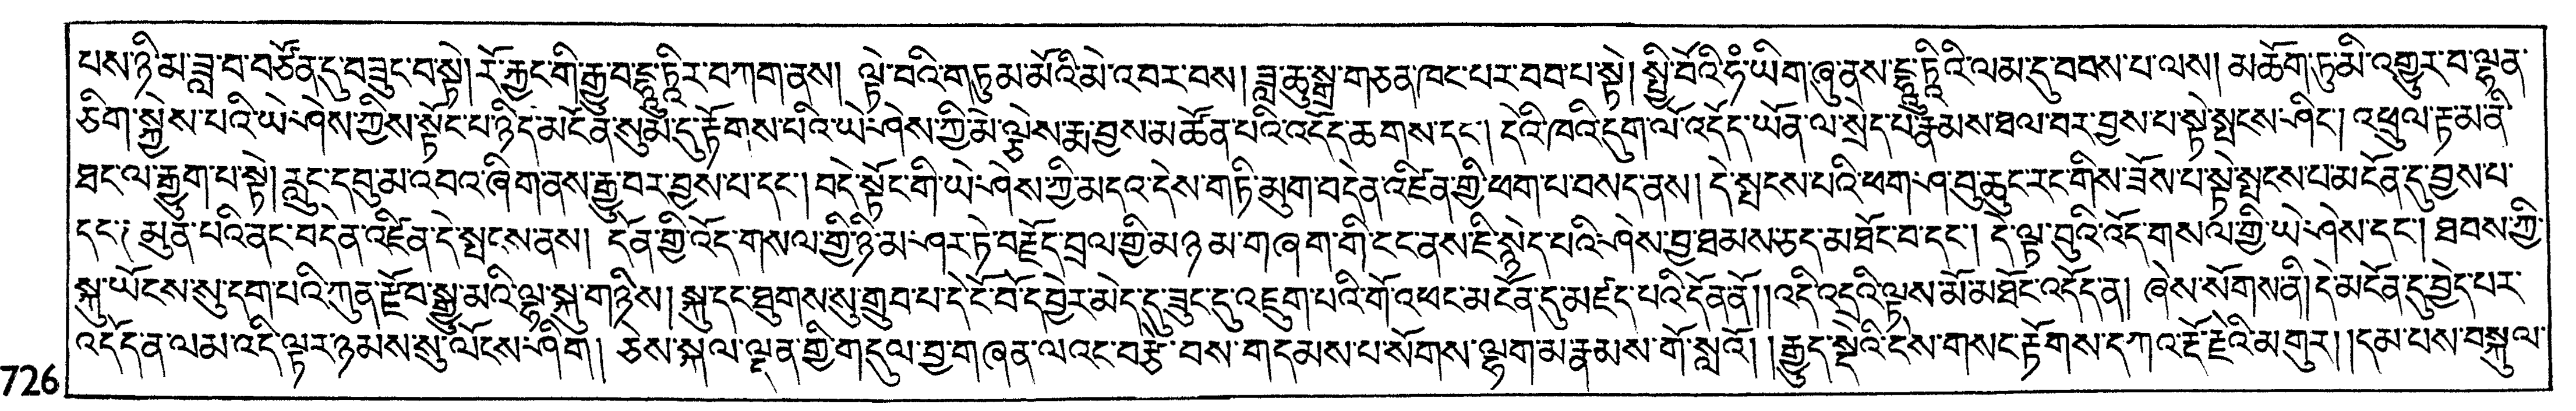པས་ཉི་མ་ཟླ་བ་བཙོན་དུ་བཟུང་བ་སྟེ། རོ་རྐྱང་གི་རྒྱུ་བ་དྷཱུ་ཏཱིར་བཀག་ནས། ལྟེ་བའི་གཏུམ་མོའི་མེ་འབར་བས། ཟླ་ཆུ་སྒྲ་གཅན་ཁང་པར་བབ་པ་སྟེ། སྤྱི་བོའི་ཧཾ་ཡིག་ཞུ་ནས་དྷཱུ་ཏཱིའི་ལམ་དུ་བབས་པ་ལས། མཆོག་ཏུ་མི་འགྱུར་བ་ལྷན་
ཅིག་སྐྱེས་པའི་ཡེ་ཤེས་ཀྱིས་སྟོང་པ་ཉིད་མངོན་སུམ་དུ་རྟོགས་པའི་ཡེ་ཤེས་ཀྱི་མེ་ལྕེས་རྨ་བྱས་མཚོན་པའི་འདོད་ཆགས་དང་། དེའི་ཁའི་དུག་ལོ་འདོད་ཡོན་ལ་སྲེད་པ་རྣམས་ཐལ་བར་བྱས་པ་སྟེ་སྤངས་ཤིང་། འཕྲུལ་རྟ་མ་ནི་
ཐང་ལ་རྒྱུག་པ་སྟེ། རླུང་དབུ་མ་འབའ་ཞིག་ནས་རྒྱུ་བར་བྱས་པ་དང་། བདེ་སྟོང་གི་ཡེ་ཤེས་ཀྱི་མདའ་དེས་གཏི་མུག་བདེན་འཛིན་གྱི་ཕག་པ་བསད་ནས། དེ་སྤངས་པའི་ཕག་ཤ་བུ་ཆུང་རང་གིས་ཟོས་པ་སྟེ་སྤངས་པ་མངོན་དུ་བྱས་པ་
དང༑ མུན་པའི་ནང་བདེན་འཛིན་དེ་སྤངས་ནས། དོན་གྱི་འོད་གསལ་གྱི་ཉི་མ་ཤར་ཏེ་བརྗོད་བྲལ་གྱི་མཉམ་གཞག་གི་ངང་ནས་ཇི་སྙེད་པའི་ཤེས་བྱ་ཐམས་ཅད་མཐོང་བ་དང་། དེ་ལྟ་བུའི་འོད་གསལ་གྱི་ཡེ་ཤེས་དང་། ཐབས་ཀྱི་
སྐུ་ཡོངས་སུ་དག་པའི་ཀུན་རྫོབ་སྒྱུ་མའི་ལྷ་སྐུ་གཉིས། སྐུ་དང་ཐུགས་སུ་གྲུབ་པ་དེ་ངོ་བོ་དབྱེར་མེད་དུ་ཟུང་དུ་འཇུག་པའི་གོ་འཕང་མངོན་དུ་མཛད་པའི་དོན་ནོ། །འདི་འདྲའི་ལྟས་མོ་མཐོང་འདོད་ན། ཞེས་སོགས་ནི། དེ་མངོན་དུ་བྱེད་པར་
འདོད་ན་ལམ་འདི་ལྟར་ཉམས་སུ་ལོངས་ཤིག །ཅེས་སྐལ་ལྡན་གྱི་གདུལ་བྱ་གཞན་ལའང་བརྩེ་བས་གདམས་པ་སོགས་ལྷག་མ་རྣམས་གོ་སླའོ། །རྒྱུད་སྡེའི་ངེས་གསང་རྟོགས་དཀའ་རྡོ་རྗེའི་མགུར། །དམ་པས་བསྐུལ་